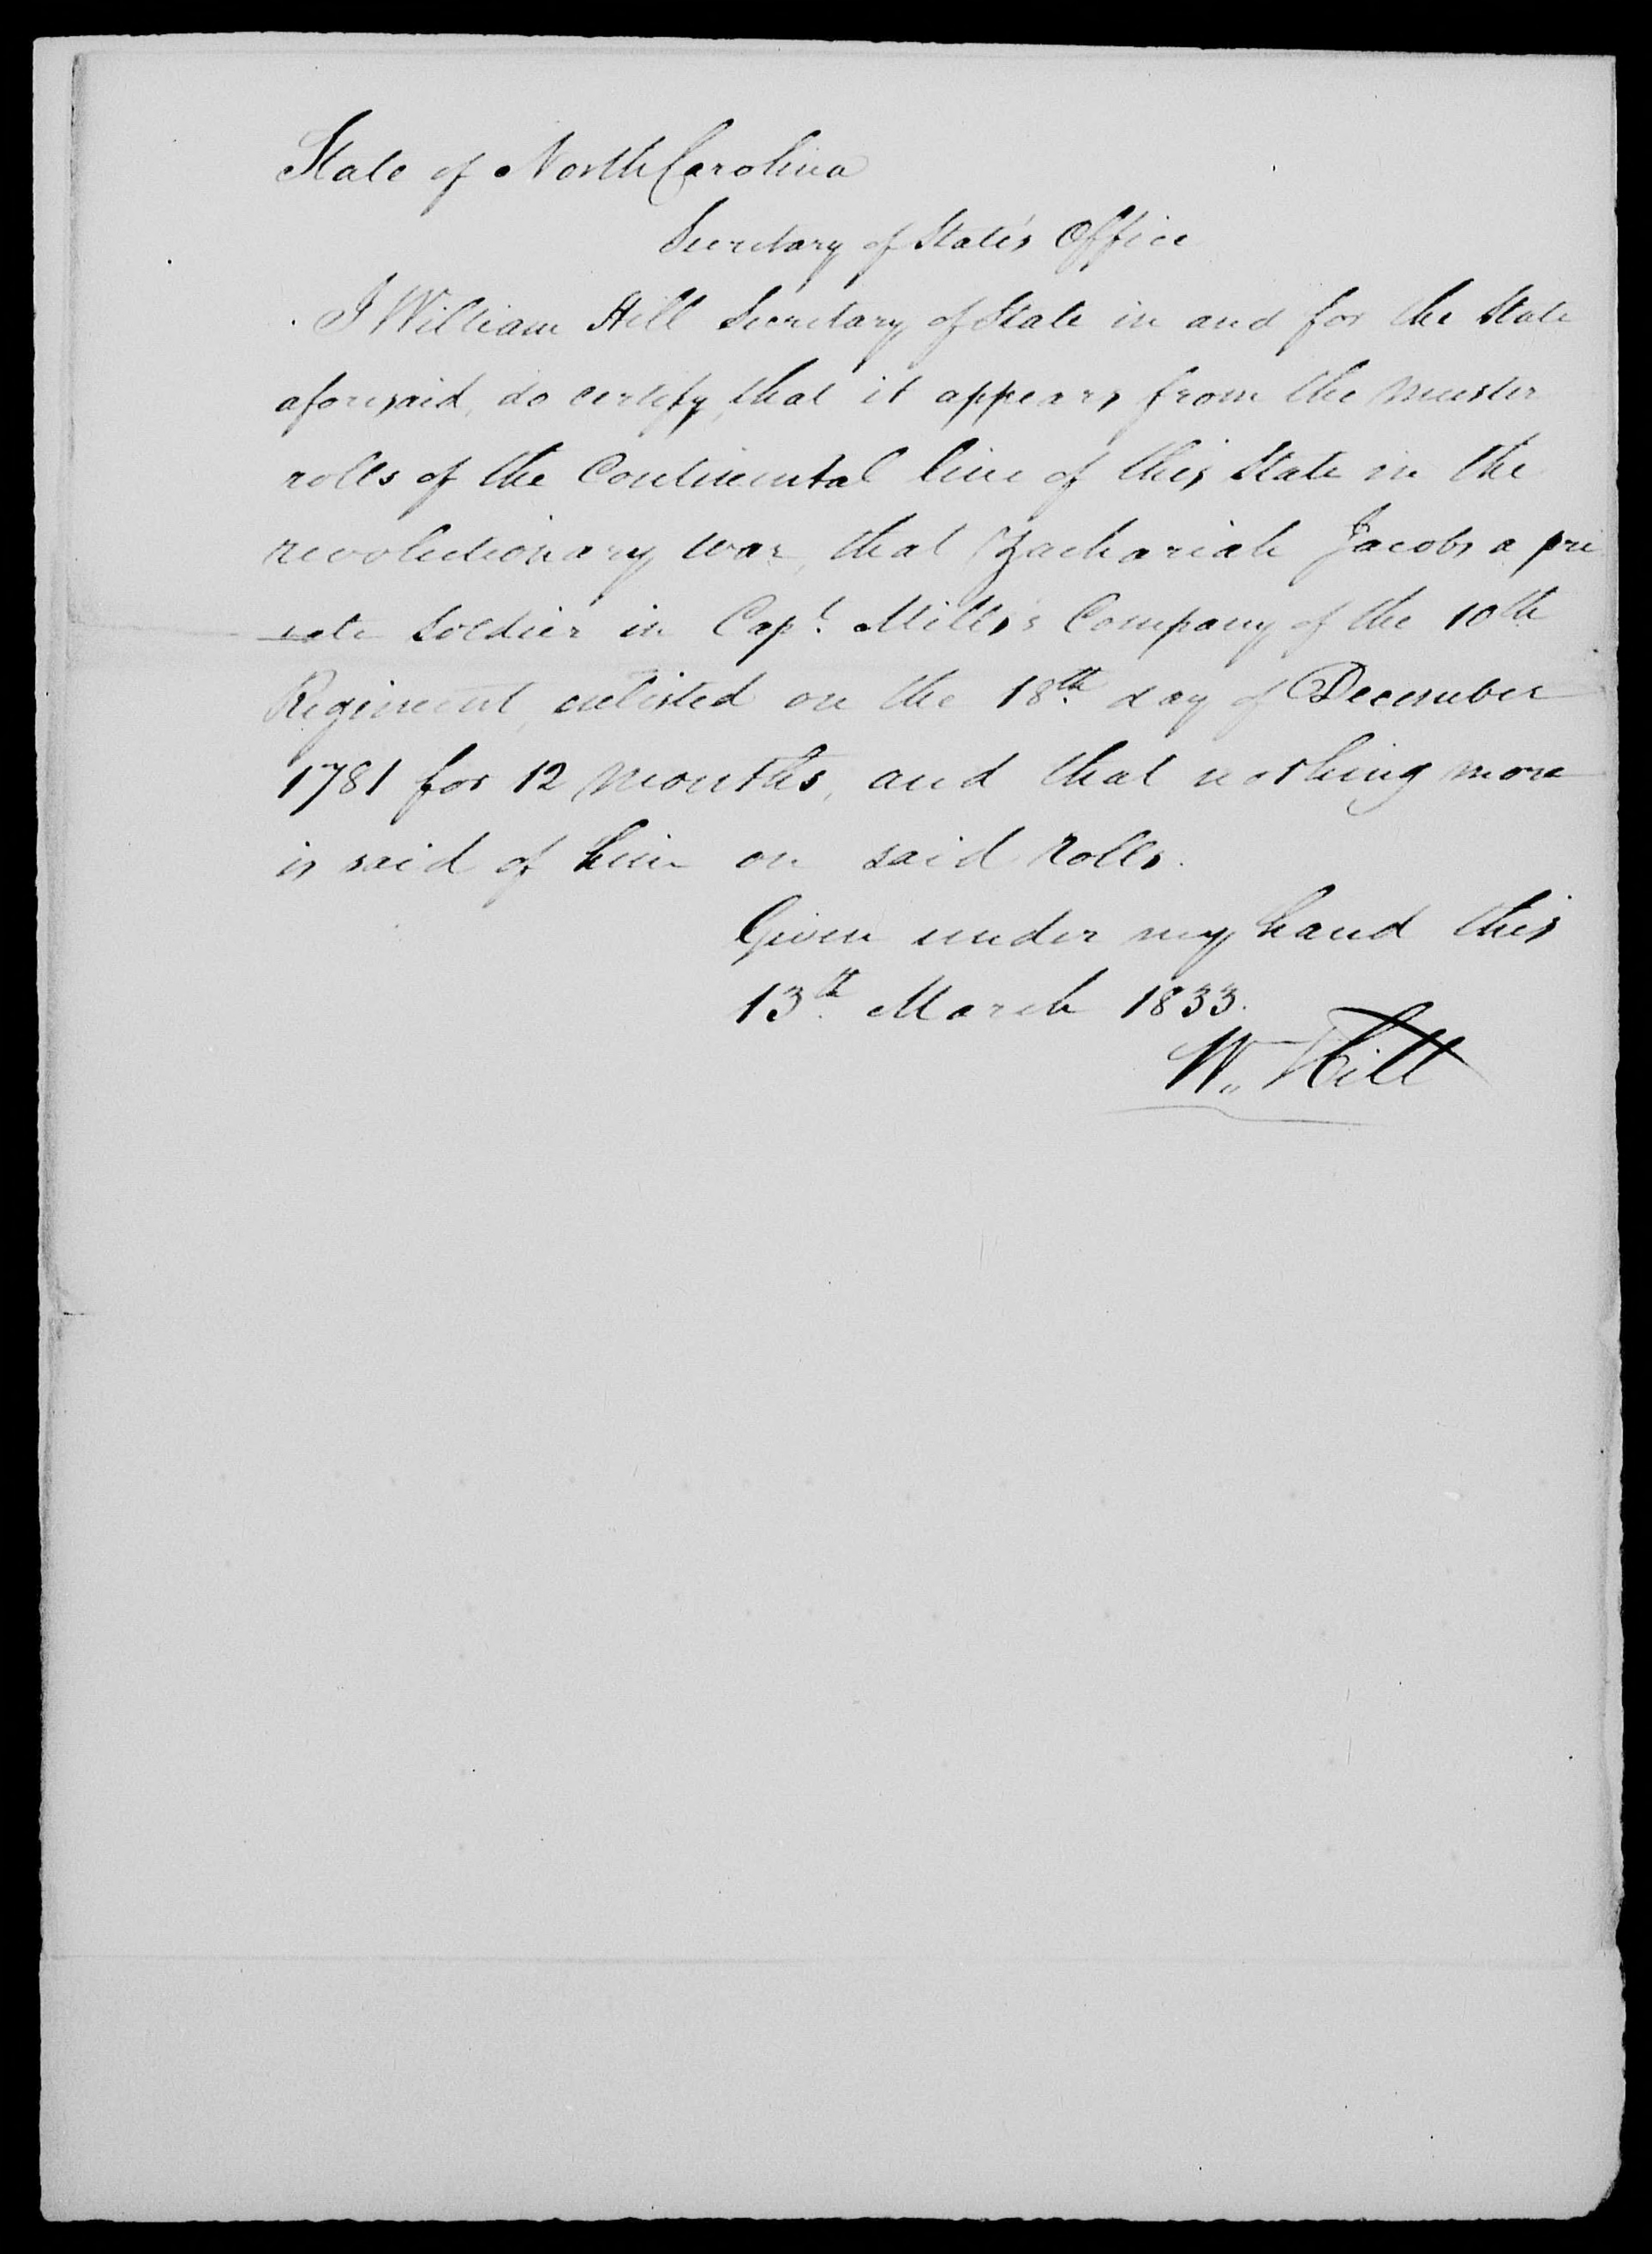State of North Carolina
           Secretary of State's Office
I William Hill Secretary of State in and for the State aforesaid do certify that it appears from the  muster rolls of the Continental line of the State in the revolutionary war that Zachariah Jacobs a private Soldier in  Cap't Mill's Company of the 10th Regiment enlisted on 18th day of December  1781 for 12 months, and that nothing more is said of him on said rolls.
                   Given under my hand this 
             13th March 1833 
[Signature] W. Hill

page: 25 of 40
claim: widow's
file: W. 5304, for Zachariah Jacobs, North Carolina